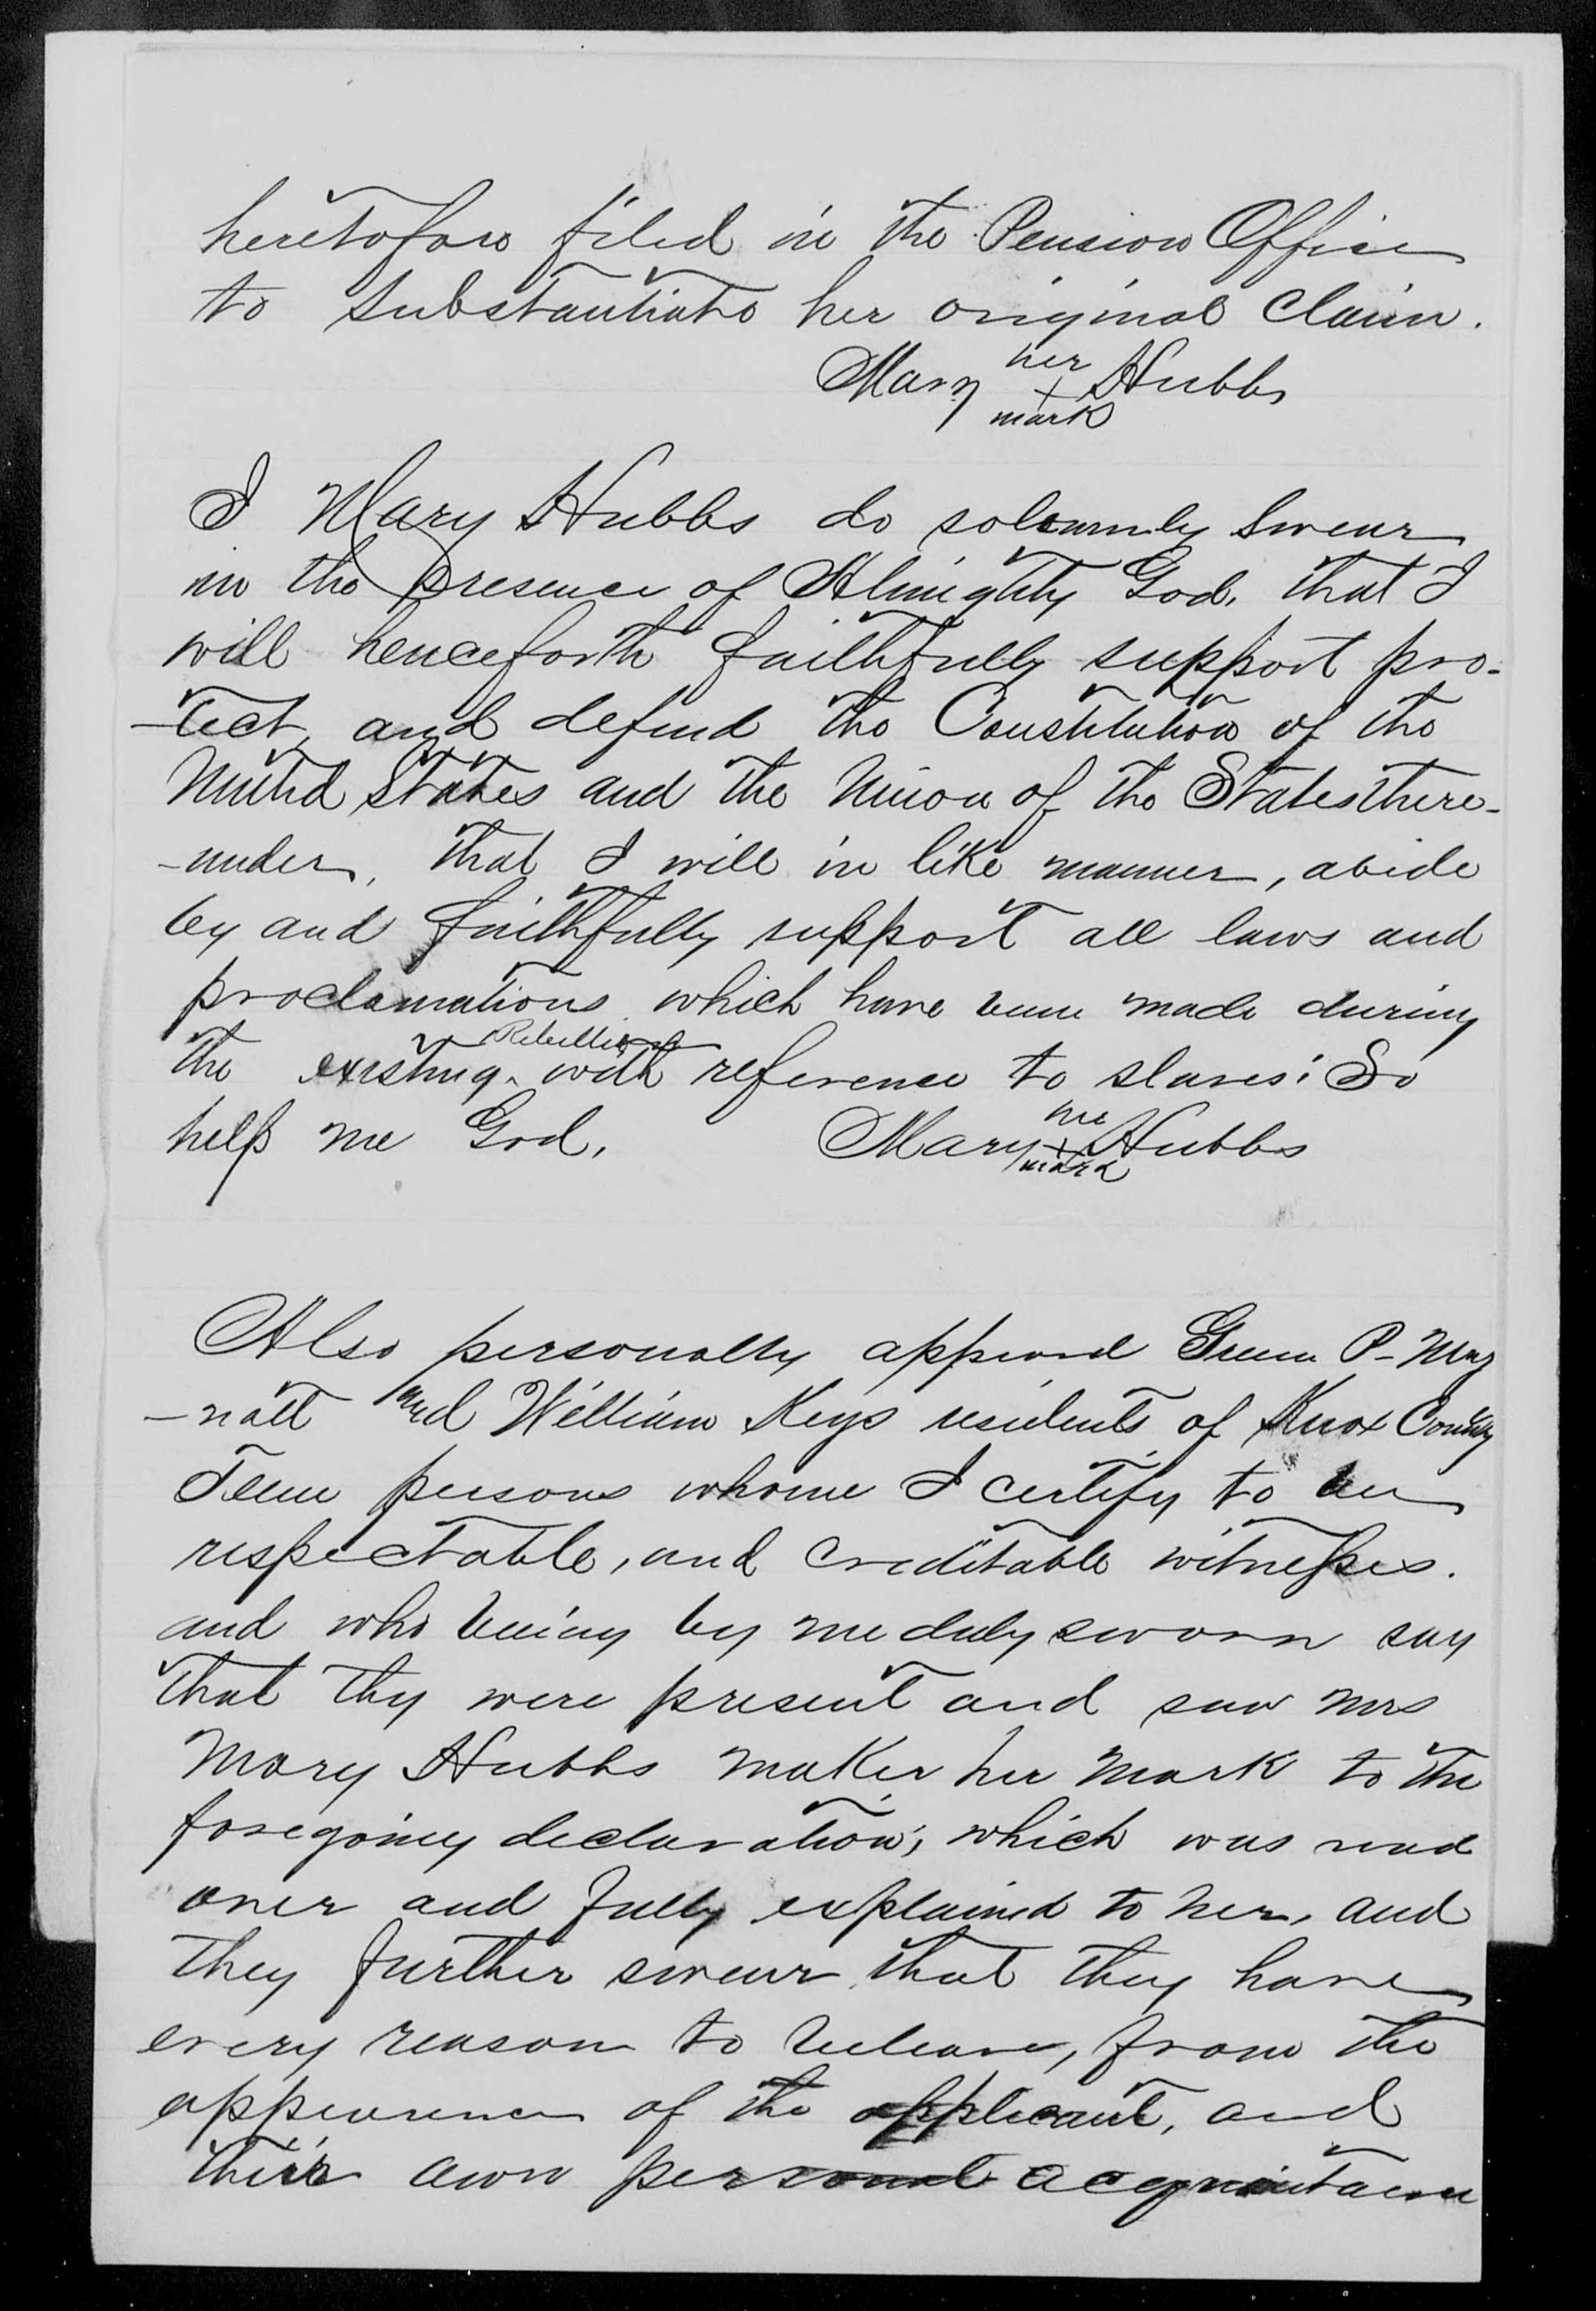heretofore filed in the Pension Office to substantiate her original claim.

Mary (her mark) Hubbs

I, Mary Hubbs, do solemnly swear in the presence of Almighty God that I will henceforth faithfully support, protect and defend the Constitution of the United States and the Union of the States there. Under that I will in like manner, abide by and faithfully support all laws and proclamations which have been made during the existing rebellion with reference to slaves.  So help me God. 

Mary (her mark) Hubbs.

Also personally appeared Green P Waynatt and William Keys residents of Knox County.  Two persons whom I certify to be respectable, and credible witnesses and who being by me duly sworn say that thy mere present and saw Mrs. Mary Hubbs makes her mark to the foregoing declaration, which was read once and fully explained to him, and they further swear that they have every reason to declare, from the appearance of the applicant, and their own personal acquaintance.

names: Mary Hubbs, William Keys, Green P Waynatt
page: 85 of 86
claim: widow's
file: W. 1035, John Hubbs, S.C.